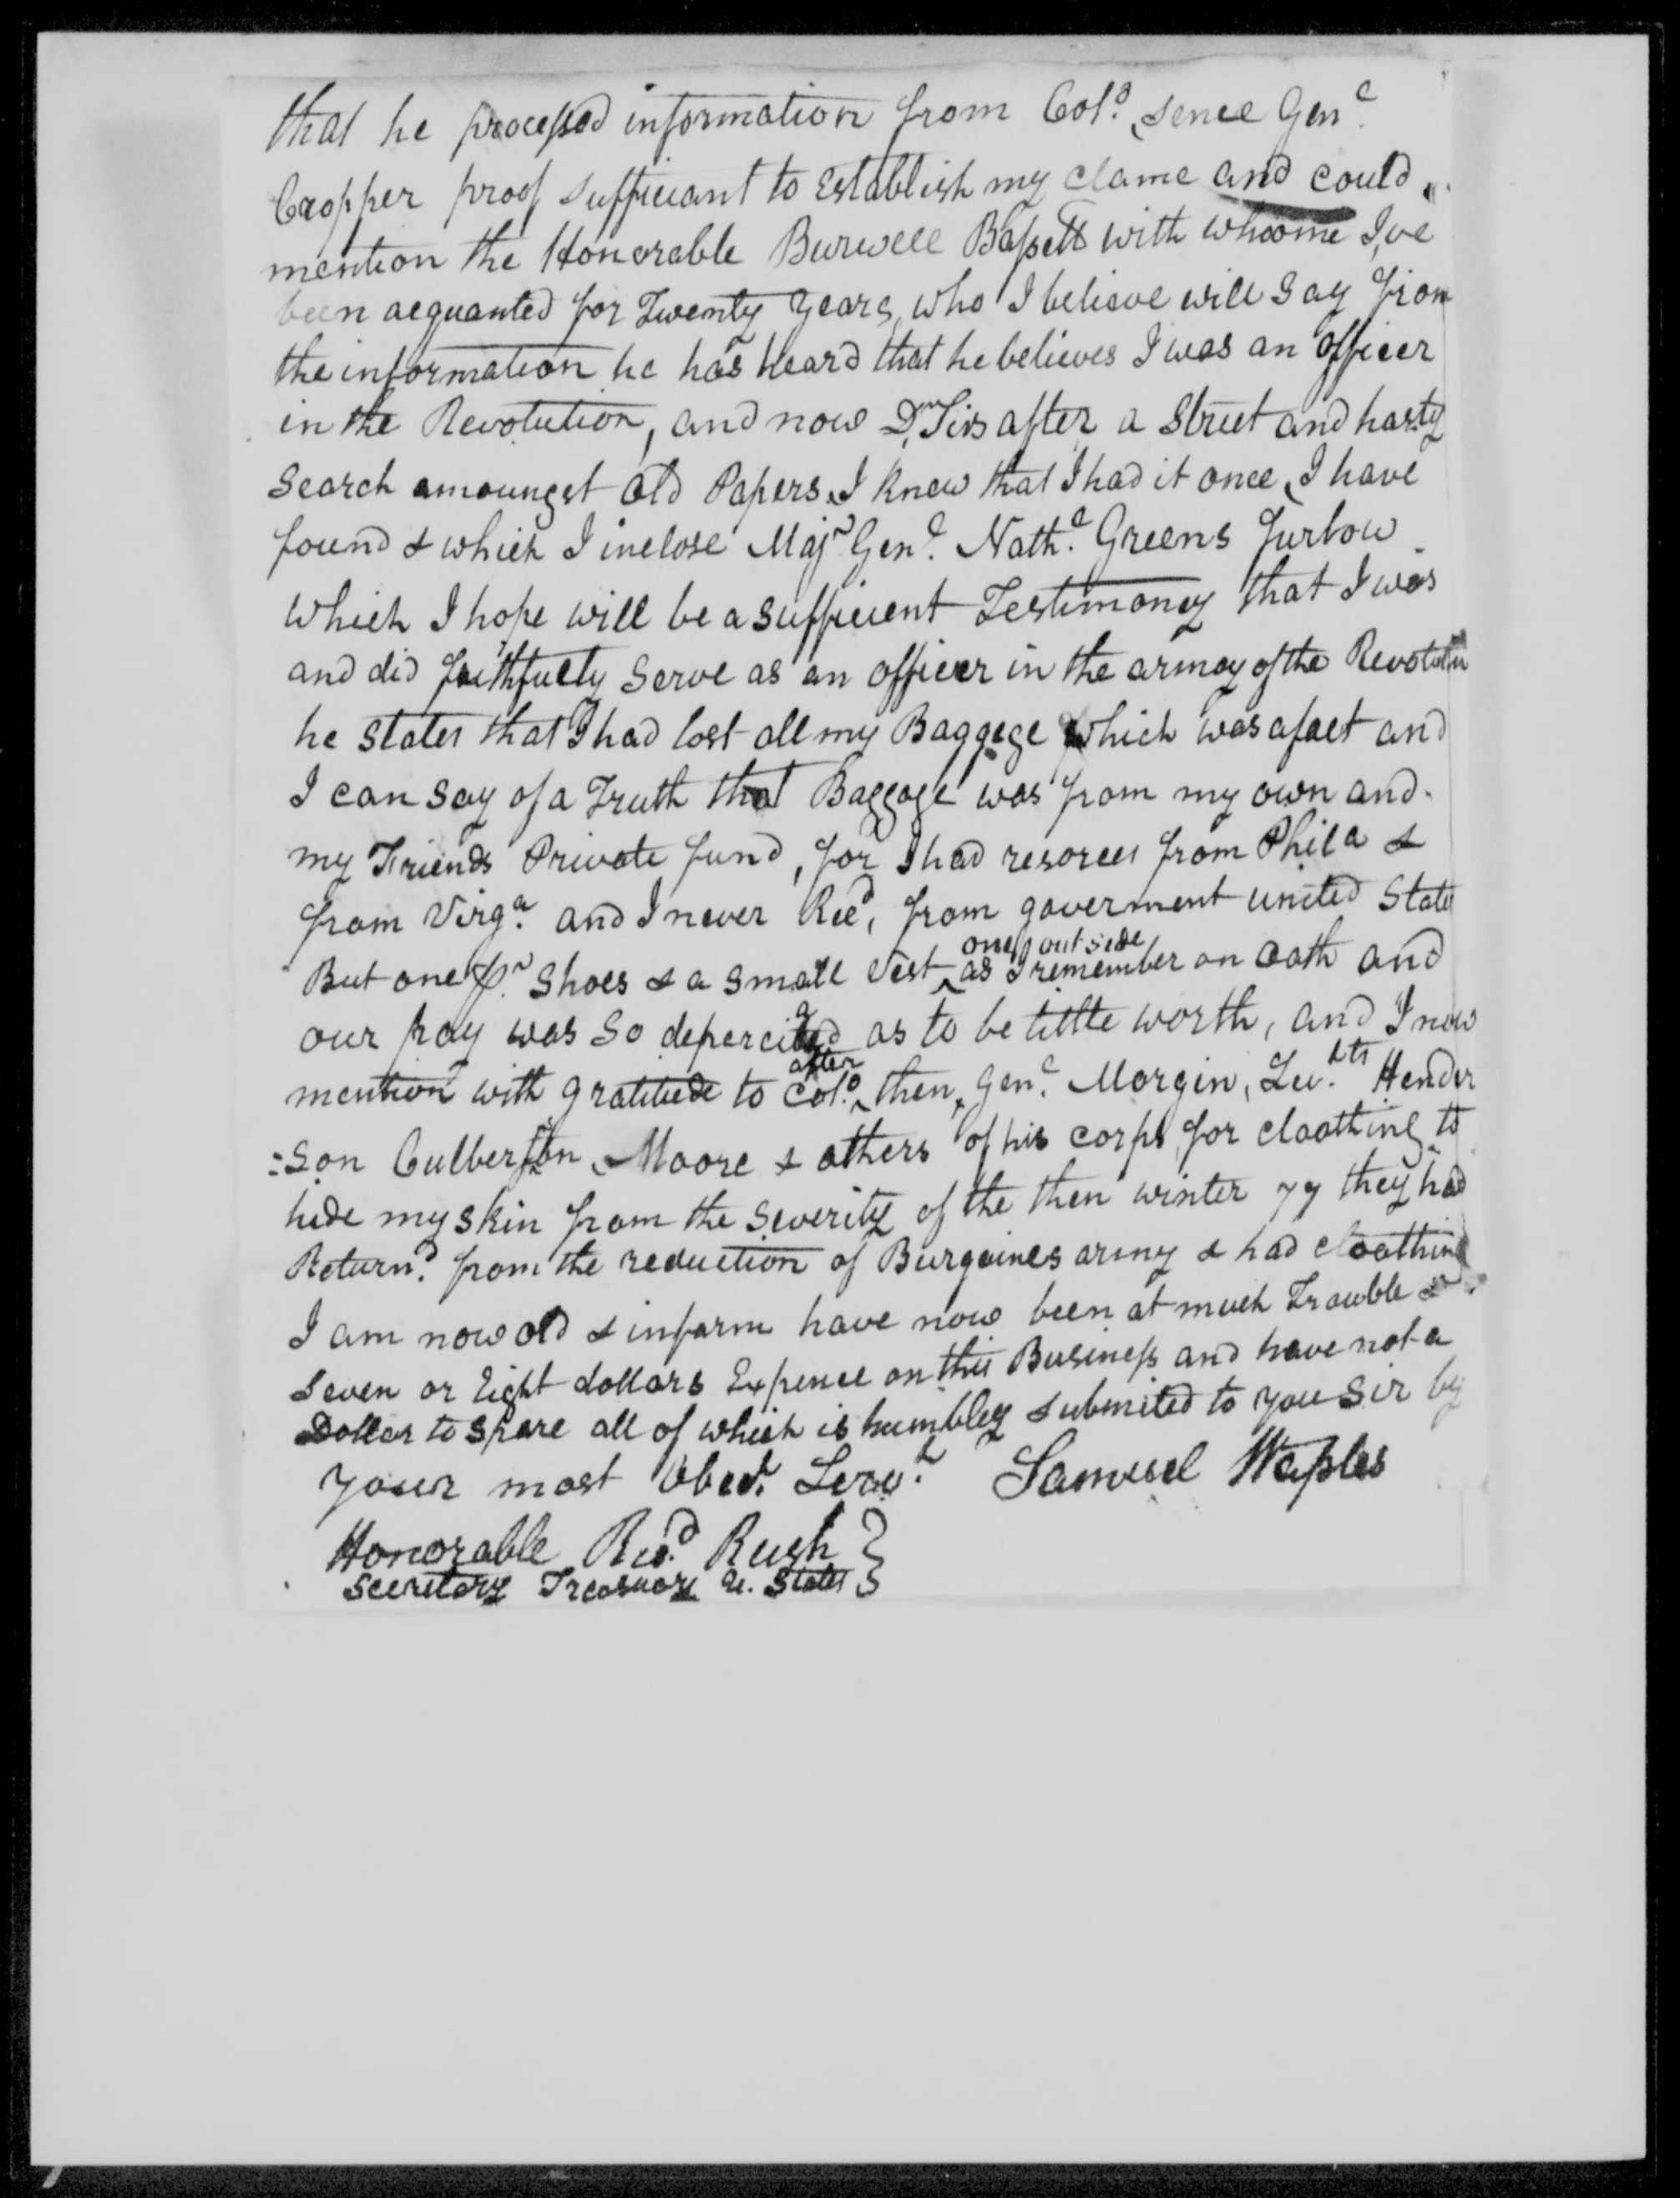that he processed information from Colo. sence Gen. Cropper proof sufficiant to establish my clame and could mention the Honorable Burwell Bassett with whoome  I've been acqanted for Twenty Years, who I believe will say from the information he has heard that he believes I was an officer in the Revolution, and now Dr. Sirs after a strict and hasty search amongst old papers I know that I had it once I have found + which I inclose Maj. Genl. Nathl. Greens furlow which I hope will be a sufficient Testimony that I was and did faithfully serve as an officer in the armoy of the Revolution he states that I had lost all my Baggage which was afact and I can say of a Truth that Baggage was from my own and my Friends Private fund, for I had resorces from Phil'a & from Virg'a and I never Rec'd from government United States. But one Pr. shoes & a small vest one outside as I remember an oath and our pay was so deperciated as to be little worth, and I now mention with gratitude to Colo. after then Genl. Morgin, Leu'tts Henderson Culbertson Moore & others of his corps for cloathing to hide my skin for the severity of the then winter 77 they had Returnd. from the reduction of Burgoines army & had cloathing. I am now old & infarm have now been at much Trowble  [illegible] Seven or Eight dollars Expense on this Business and have not a Dollar to spare all of which is humbley submitted to you sir by your most Obed. Serv.t Samuel Waples
Hororable Rec'd Rush}
Secretary Treasury U. States}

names: Ricd Bush, Moore, Samuel Waples, Burwell Bassett, Nathl Green, Morgin, Culbertson, Cropper, Henderson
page: 55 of 59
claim: widow's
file: W. 6427, Samuel Waples, Va.